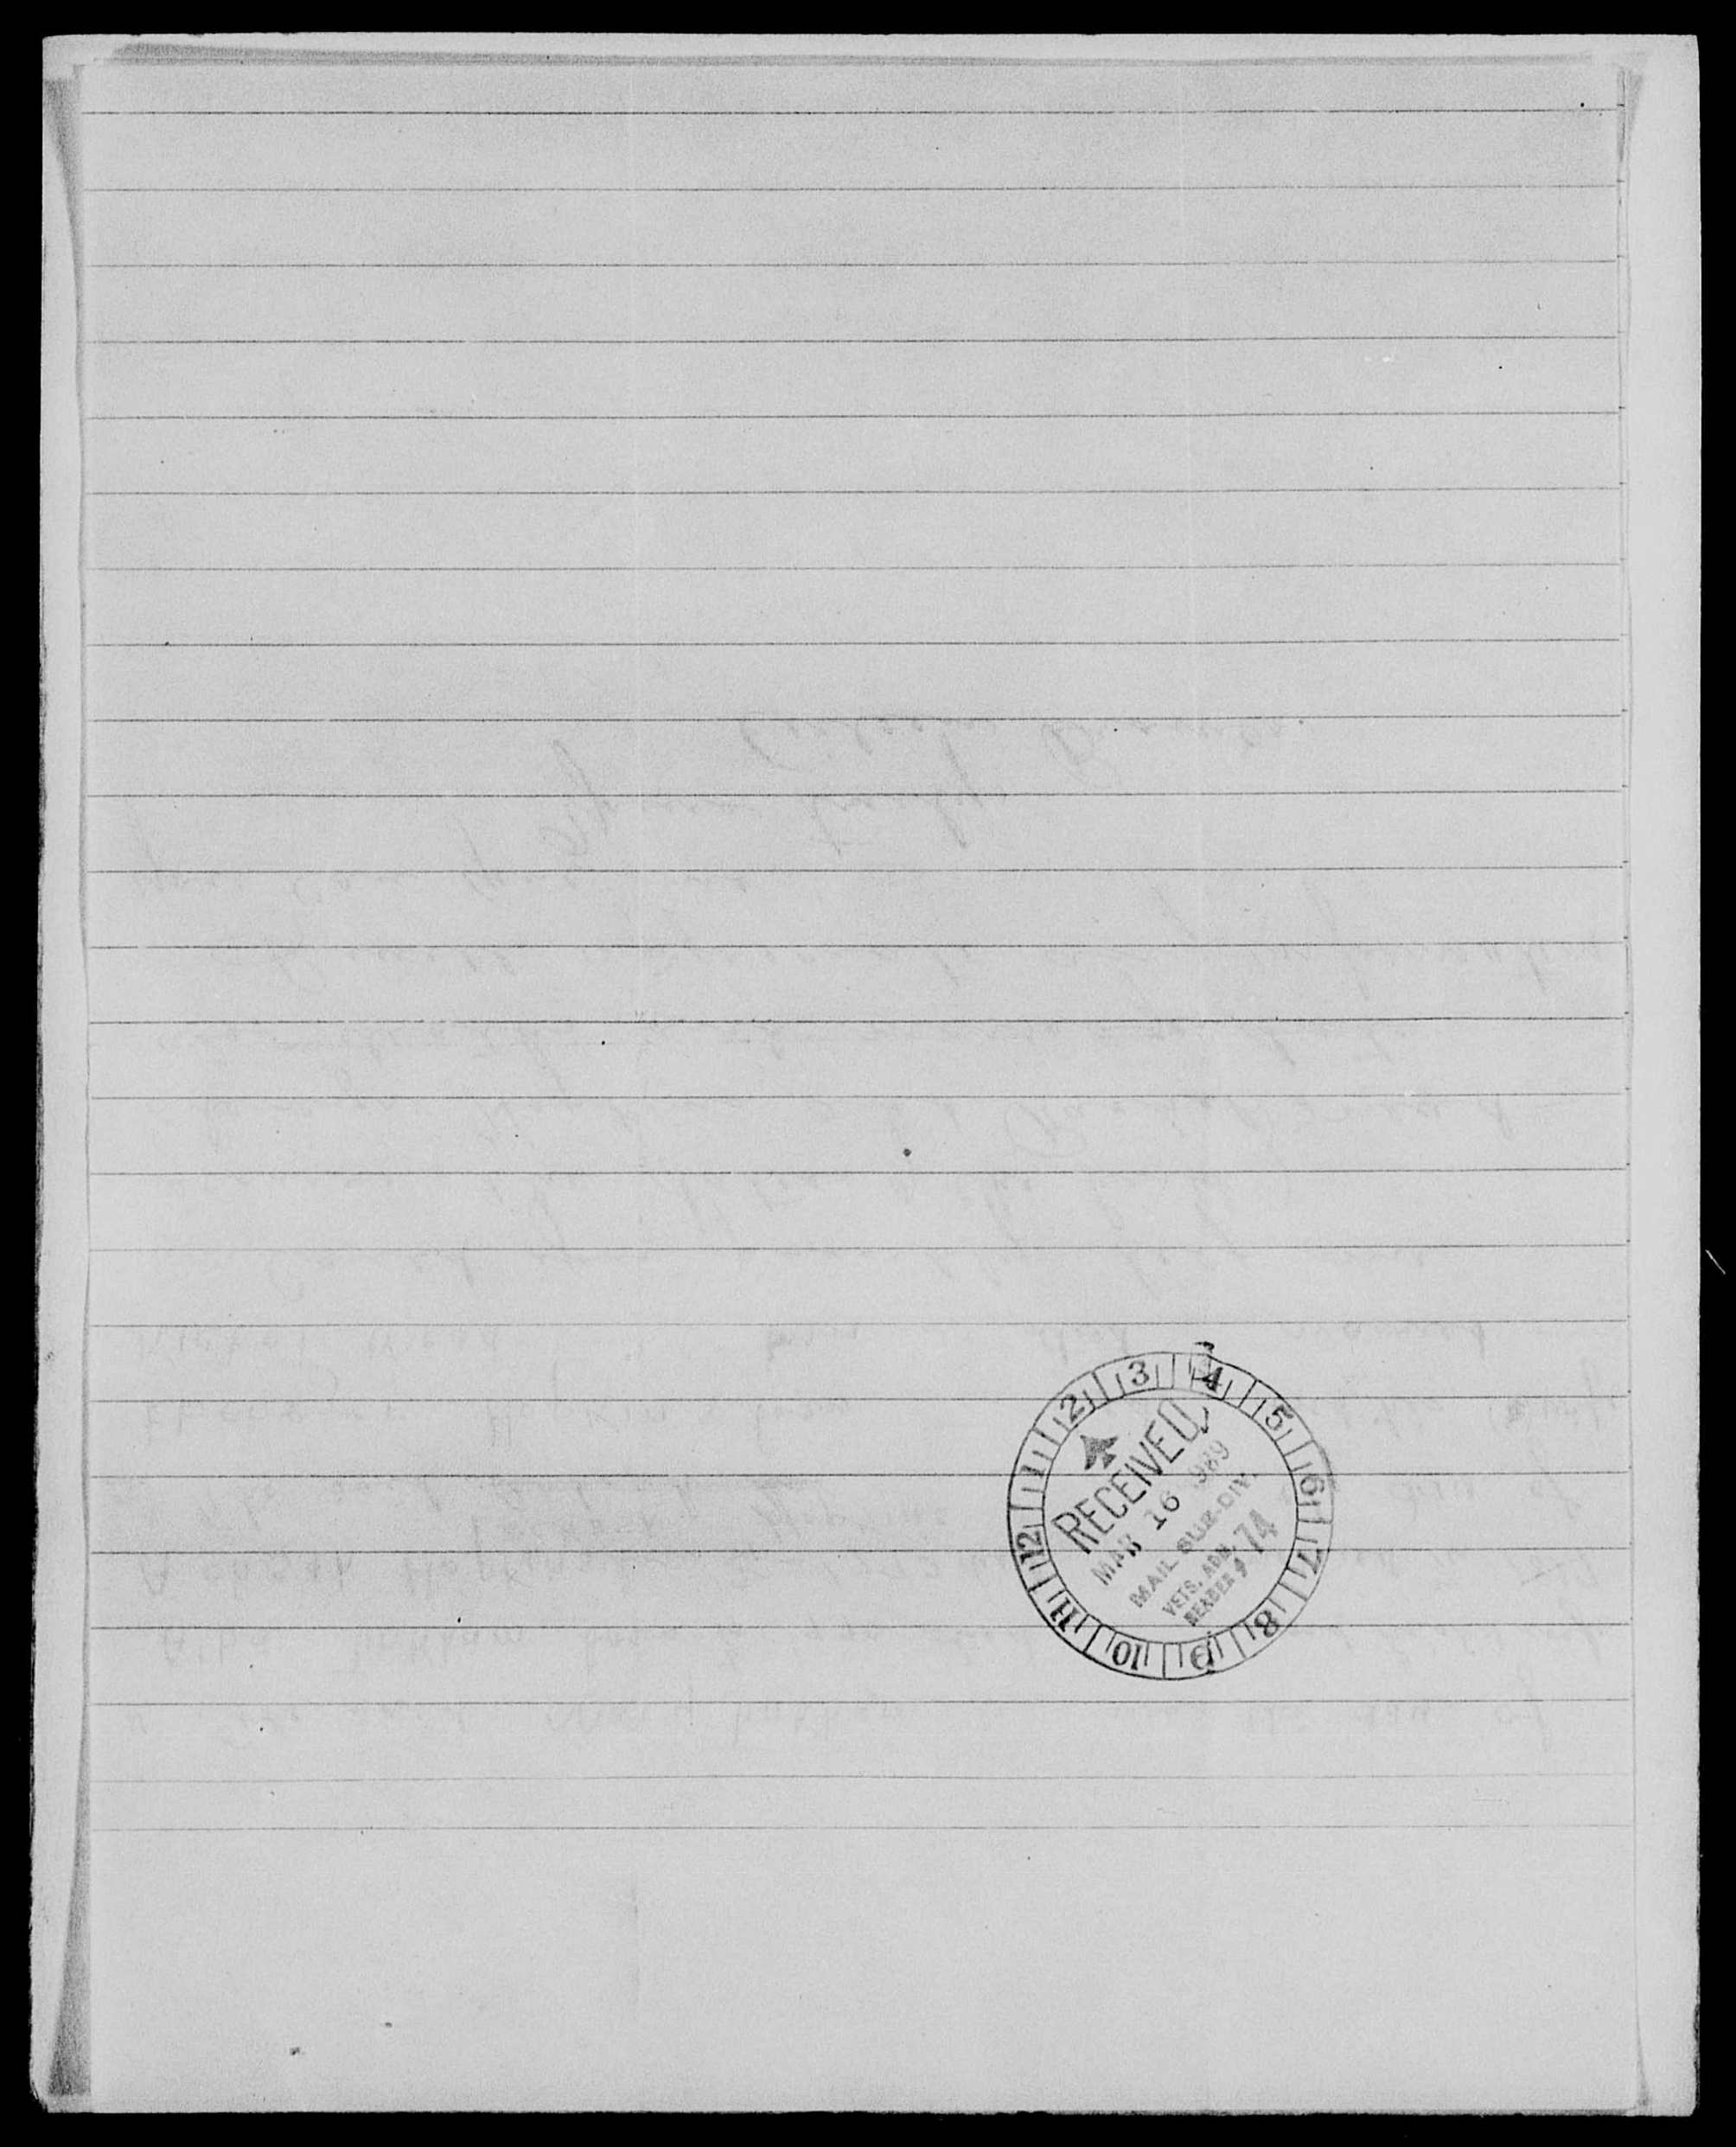[date stamp only -no data]
RECEIVED 
MAR 16 1989
MAIL SUB-DIV
VETS ADM 
READER 74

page: 139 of 144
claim: rejected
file: R. 5208, Dennis Hopkins, N.C.